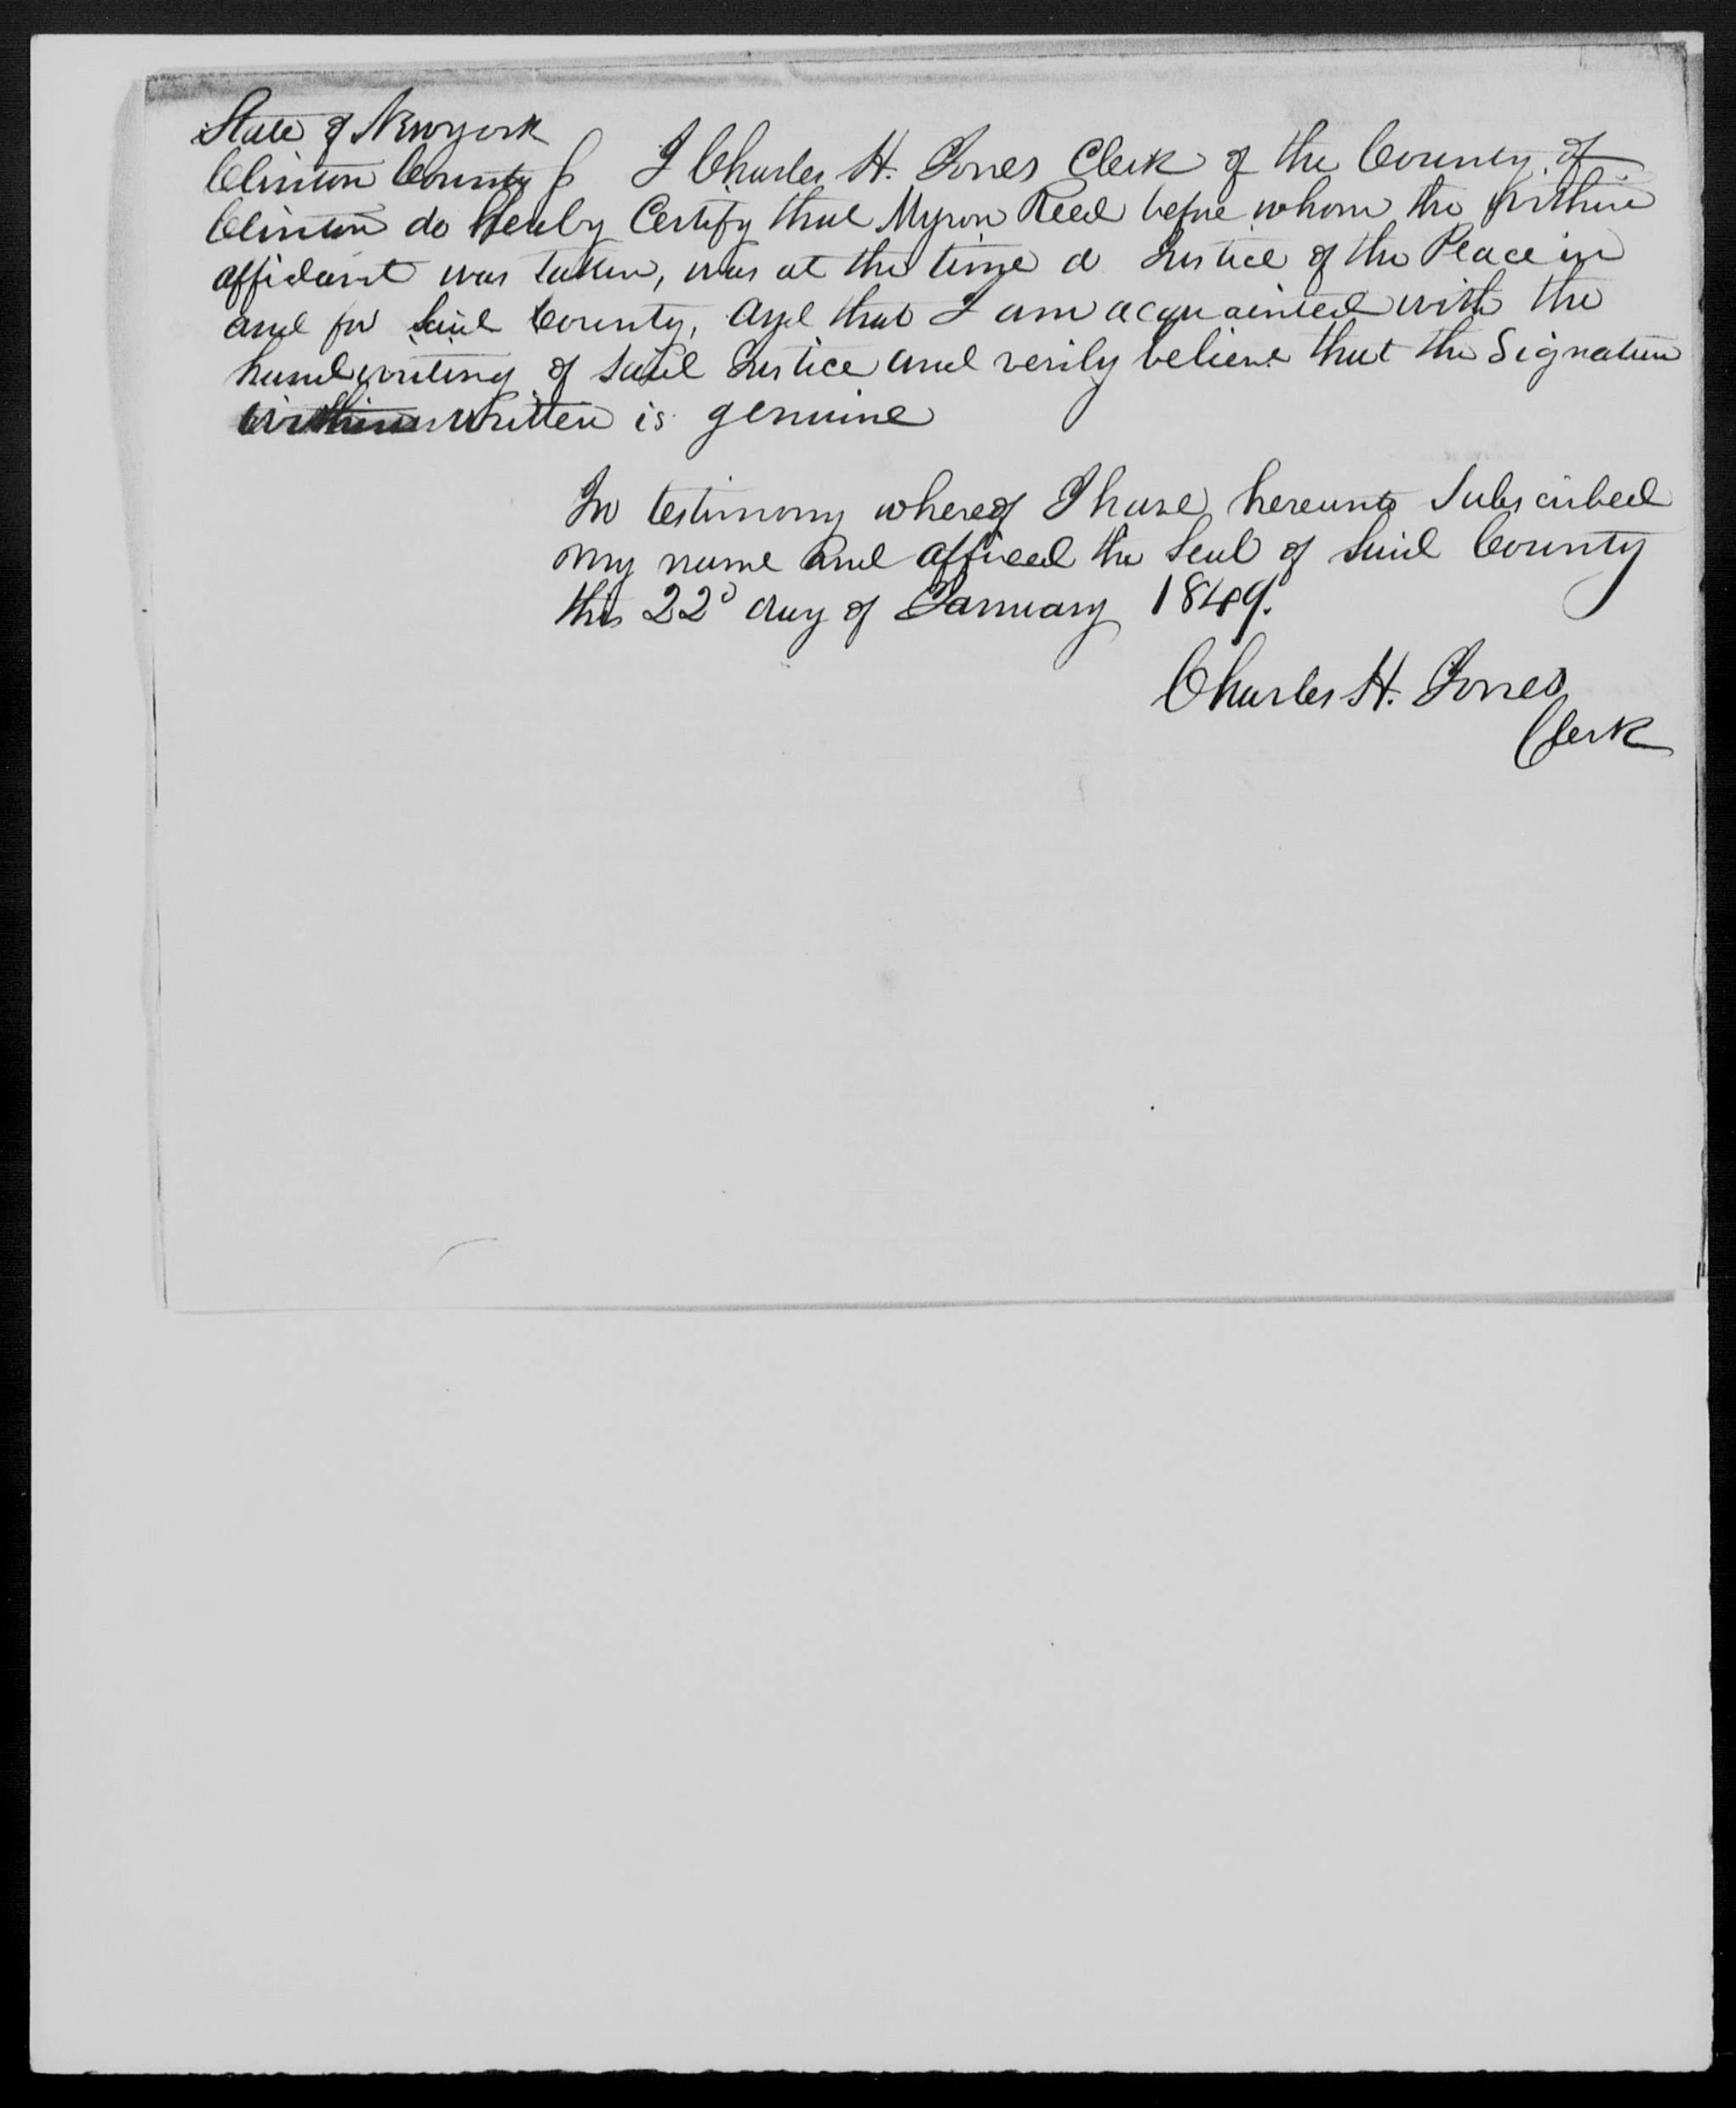State of New York
Clinton County ss
I Charles H. Jones Clerk of the County of Clinton do hereby Certify that Myron Reed before whom the within affidavit was taken, was at the time a Justice of the Peace in and for said County, and that I am acquainted with the handwriting of said Justice and verily believe that the signature within written is genuine
In testimony whereof I have hereunto subscribed my name and affixed the Seal of said County this 22d day of January 1849.
Charles H. Jones Clerk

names: Charles H Jones, Charles H Jones, Myron Reed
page: 40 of 50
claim: widow's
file: W. 8559, Ebenezer Ayer, Continental (Conn)